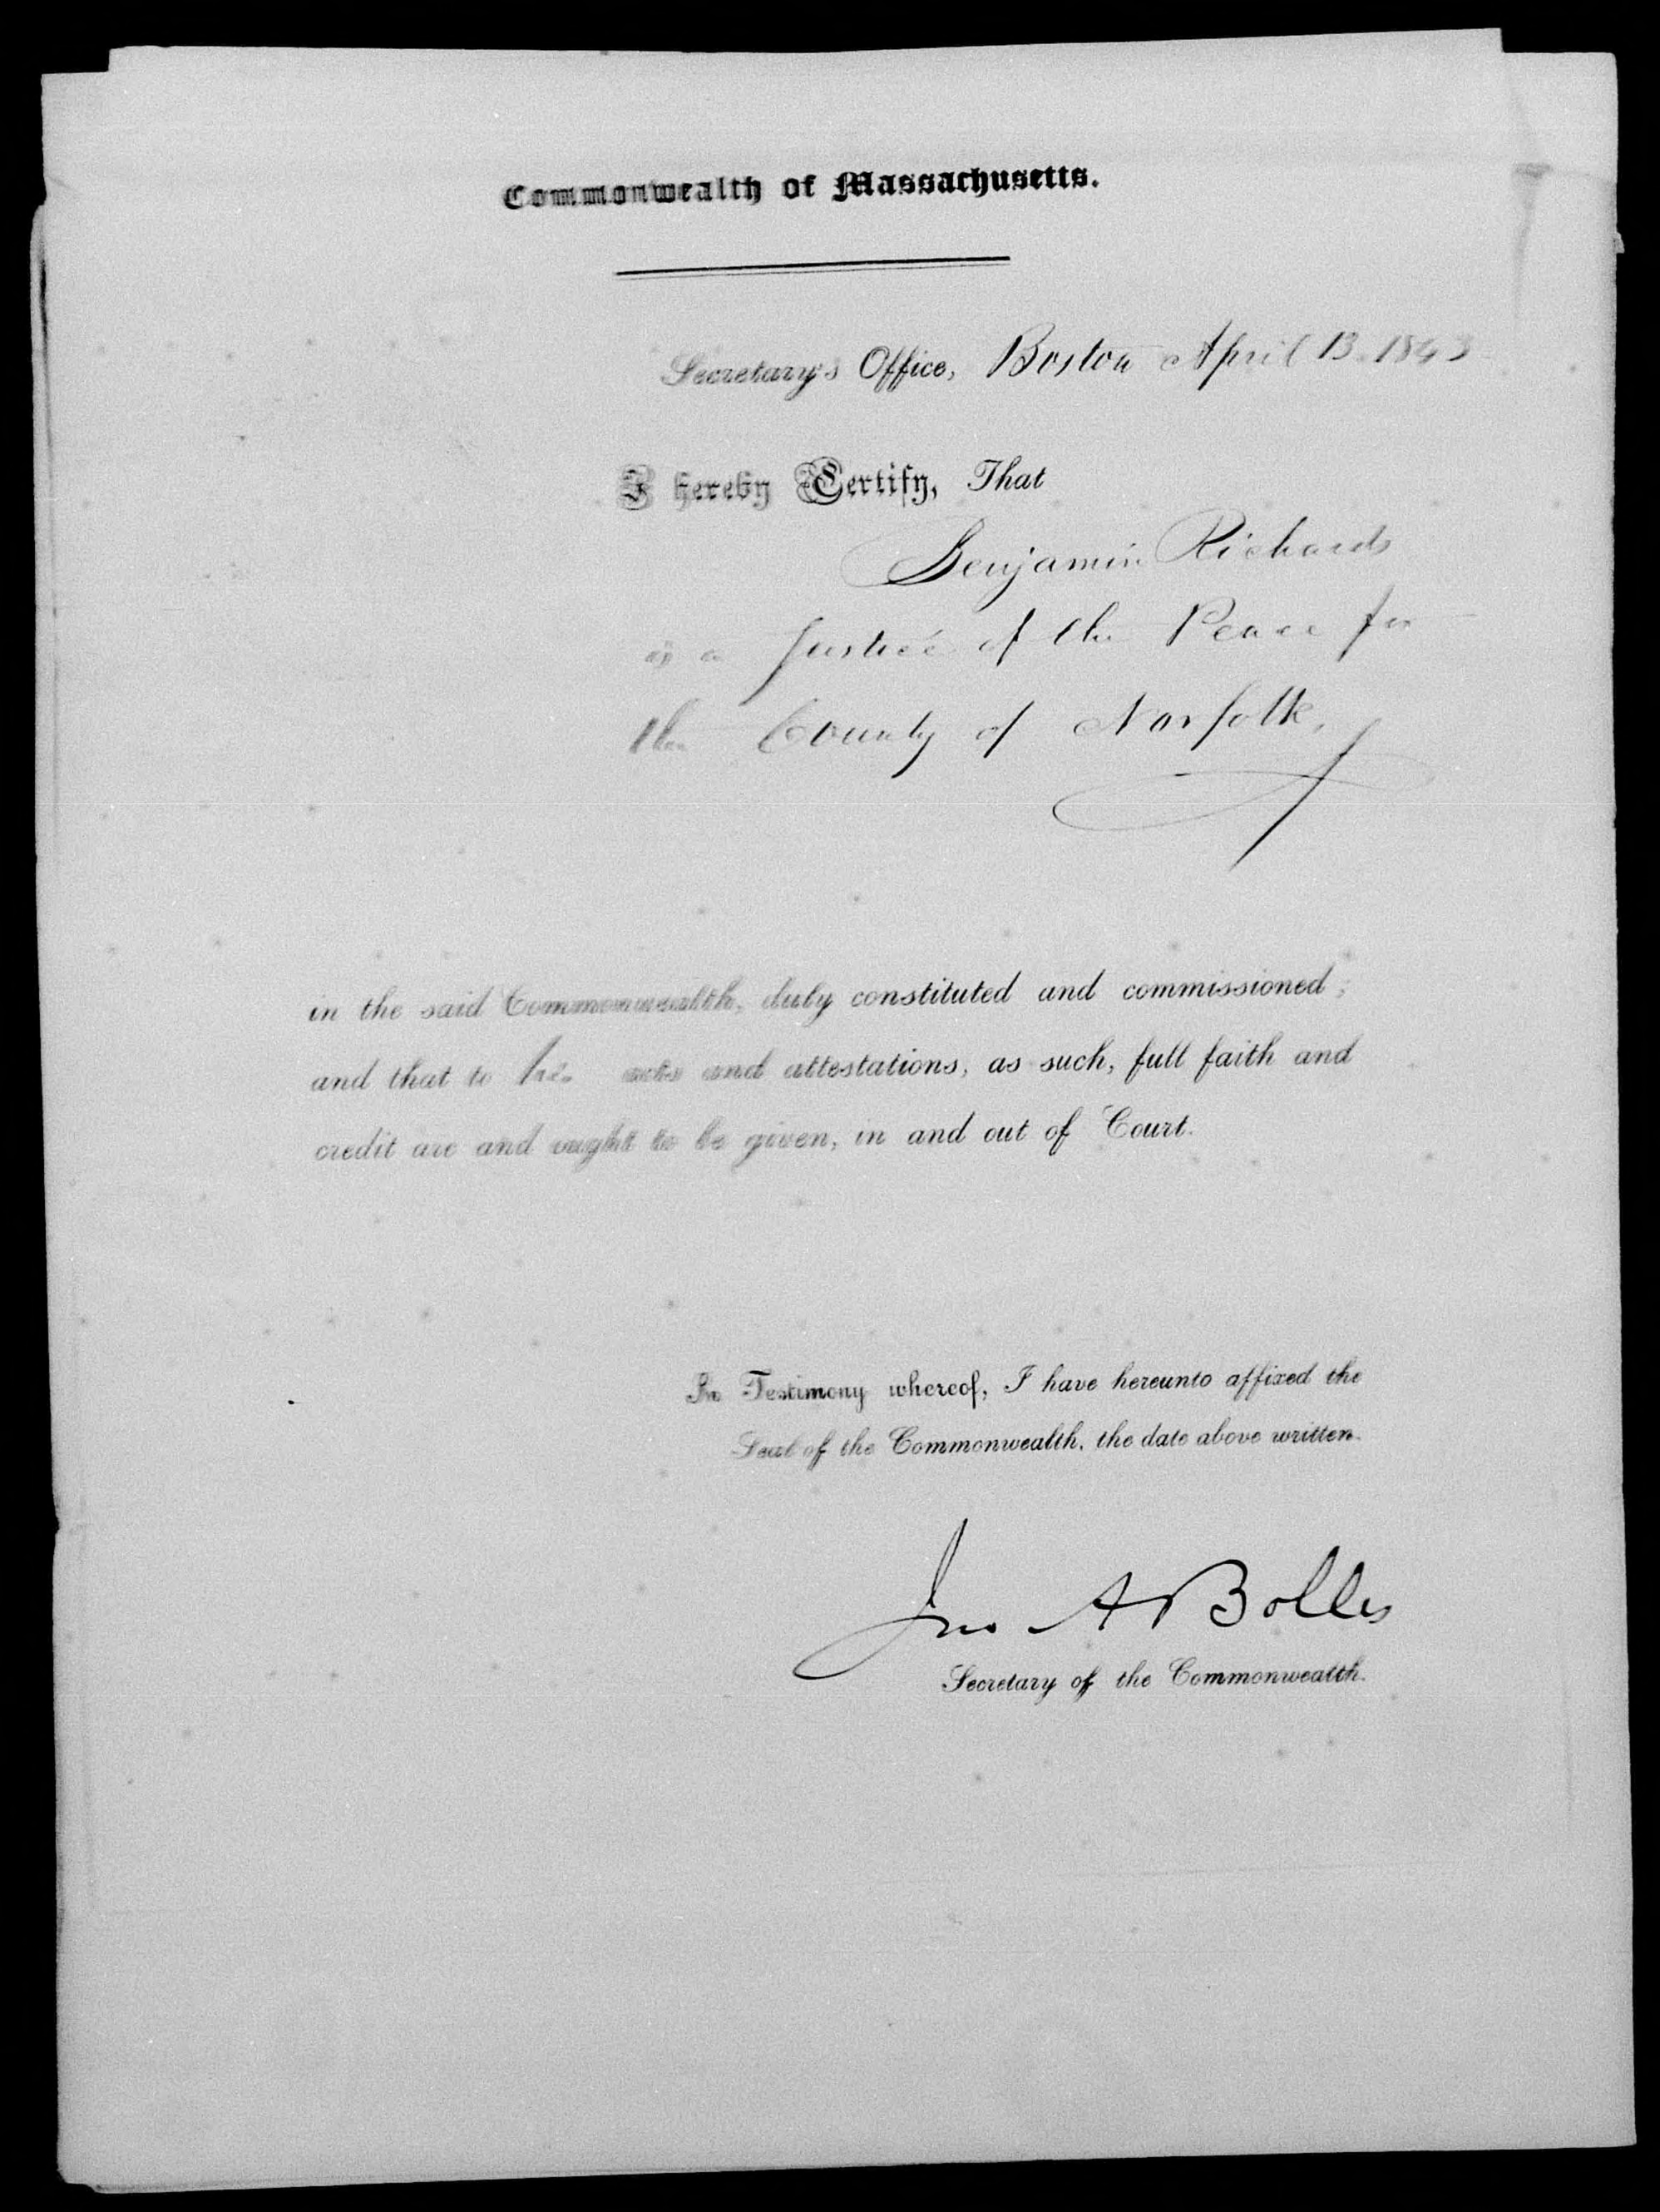Commonwealth of Massachusetts. Secretary's Office, Boston April 13. 1843 

I hereby Certify, That Benjamin Richards is a Justice of the Peace for the County of Norfolk 
in the said Commonwealth, duly constituted and commissioned; and that to his acts and attestations, as such, full faith and credit are and ought to be given, in and out of Court 

In Testimony whereof, I have hereunto affixed the of the Commonwealth, the date above written 

J A Bolles Secretary of the Commonwealth.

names: Jno A Bolles, Benjamin Richards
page: 29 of 38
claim: widow's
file: W. 24,235, Silvanus French, Mass.